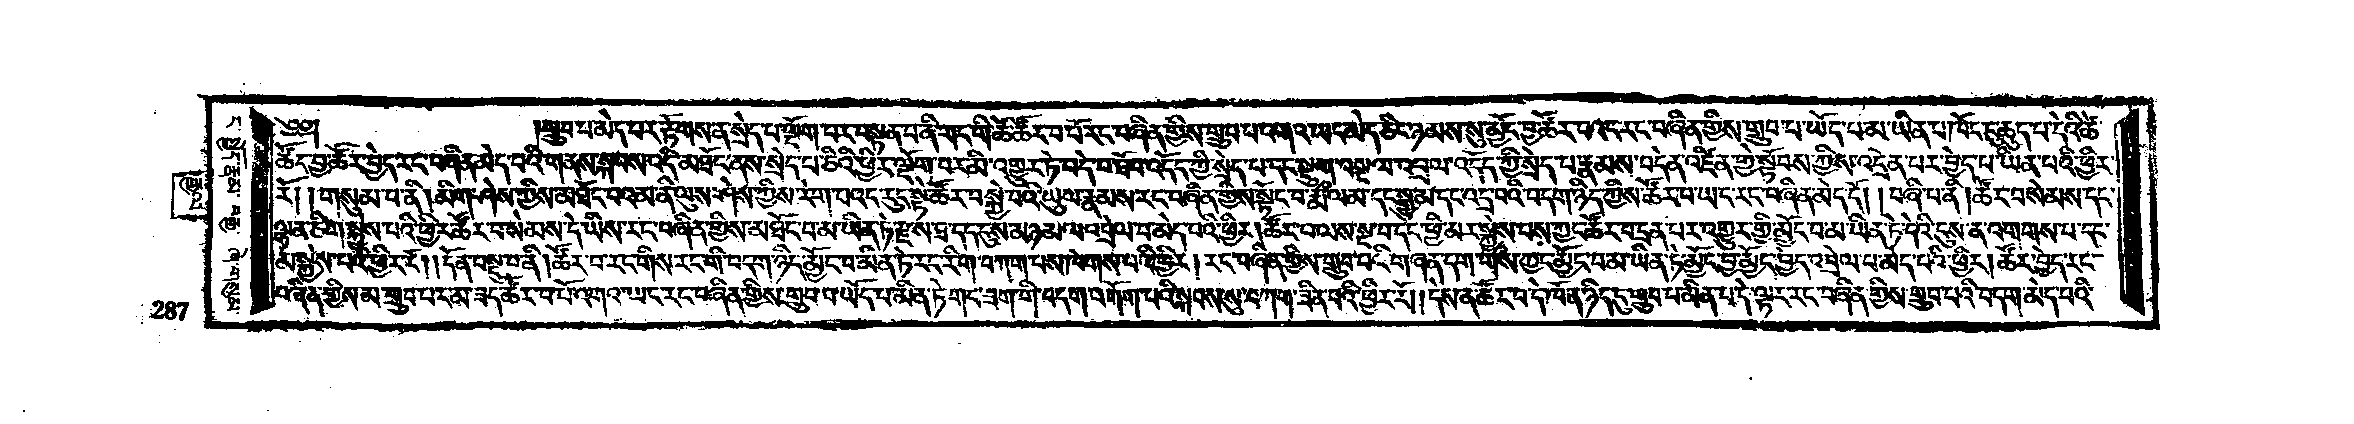༄༅། །གྲུབ་པ་མེད་པར་རྟོགས་ན་སྲེད་པ་ལྡོག་པར་བསྟན་པ་ནི་གང་གི་ཚེ་ཚོར་བ་པོ་རང་བཞིན་གྱིས་གྲུབ་པ་འགའ་ཡང་མེད་ཅིང་ཉམས་སུ་མྱོང་བྱ་སོར་བའང་རང་བཞིན་གྱིས་གྲུབ་པ་ཡོད་པ་མ་ཡིན་པ་ཁོང་དུ་ཆུད་པ་དེའི་ཚེ་
ཚོད་བྱ་ཚོར་བྱེད་རང་བཞིན་མེད་པའི་གནས་སྐབས་འདི་མཐོང་ནས་སྲེད་པ་ཅིའི་ཕྱིར་ལྡོག་པར་མི་འགྱུར་ཏེ་བདེ་བ་ཐོབ་འདོད་ཀྱི་སྲེད་པ་དང་སྡུག་བསྔལ་འབྲལ་འདོད་ཀྱི་སྲེད་པ་རྣམས་བདེན་འཛིན་གྱི་སྟོབས་ཀྱིས་འདྲེན་པར་བྱེད་པ་ཡིན་པའི་ཕྱིར་
རོ༑ ༑གསུམ་པ་ནི། མིག་ཤེས་ཀྱིས་མཐོང་བའམ་ནི་ལུས་ཤེས་ཀྱིས་རེག་པའང་རུང་སྟེ་ཚོར་བ་སྐྱེ་བའི་ཡུལ་རྣམས་རང་བཞིན་གྱིས་སྟོང་བ་རྨི་ལམ་དང་སྒྱུ་མ་དང་འདྲ་བའི་བདག་ཉིད་ཀྱིས་ཚོར་བ་ཡང་རང་བཞིན་མེད་དོ། །བཞི་པ་ནི། ཚོར་བ་སེམས་དང་
ལྷན་ཅིག་སྐྱེས་པའི་ཕྱིར་ཚོར་བ་སེམས་དེ་ཡིས་རང་བཞིན་གྱིས་མཐོང་བ་མ་ཡིན་ཏེ་རྫས་ཐ་དད་དུས་མཉམ་པ་འབྲེལ་པ་མེད་པའི་ཕྱིར། ཚོར་བ་ལས་སྔ་བ་དང་ཕྱི་མར་སྐྱེས་པས་ཀྱང་ཚོར་བ་དྲན་པར་འགྱུར་གྱི་མྱོང་བ་མ་ཡིན་ཏེ་དེའི་དུས་ན་འགགས་པ་དང་
མ་སྐྱེས་པའི་ཕྱིར་རོ། །དོན་བསྡུ་བ་ནི། ཚོར་བ་རང་གིས་རང་གི་བདག་ཉིད་མྱོང་བ་མིན་ཏེ་རང་རིག་བཀག་པས་ཁེགས་པའི་ཕྱིར། རང་བཞིན་གྱིས་གྲུབ་པའི་གཞན་དག་གིས་ཀྱང་མྱོང་བ་མ་ཡིན་ཏེ་མྱོང་བྱ་མྱོང་བྱེད་འབྲེལ་པ་མེད་པའི་ཕྱིར། ཚོར་བྱེད་རང་
བཞིན་གྱིས་མ་གྲུབ་པར་མ་ཟད་ཚོར་བ་པོ་འགའ་ཡང་རང་བཞིན་གྱིས་གྲུབ་པ་ཡོད་པ་མིན་ཏེ་གང་ཟག་གི་བདག་འགོག་པའི་སྐབས་སུ་བཀག་ཟིན་པའི་ཕྱིར་རོ། །དེས་ན་ཚོར་བ་དེ་ཁོ་ན་ཉིད་དུ་གྲུབ་པ་མིན་པ་དེ་ལྟར་རང་བཞིན་གྱིས་གྲུབ་པའི་བདག་མེད་པའི་